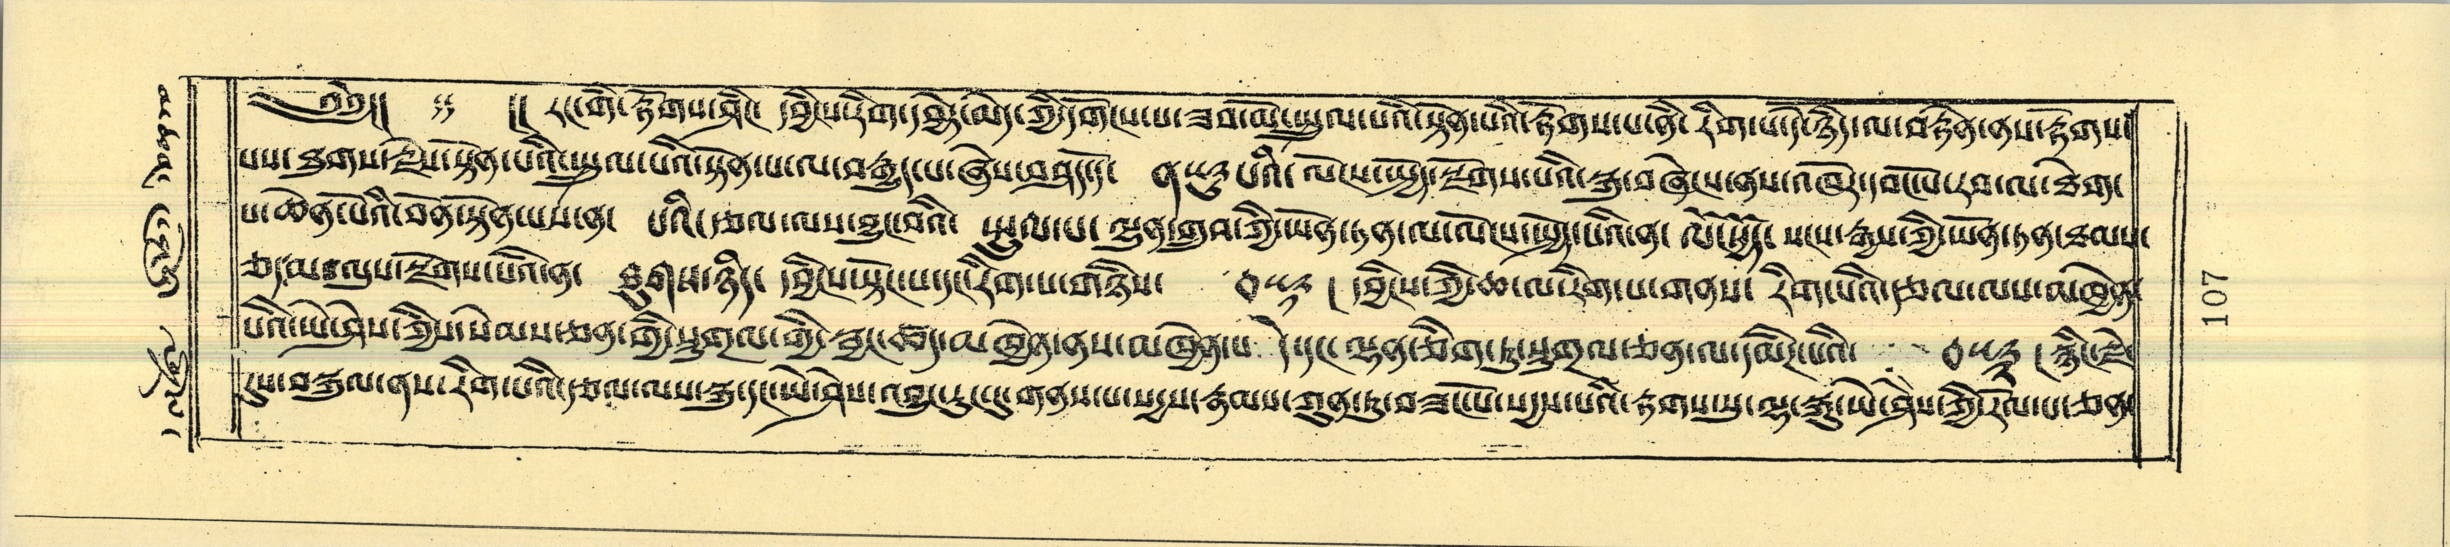རང་གིས་རྟོགས་ཤིང་། དབྱིངས་རིག་དབྱེར་མེད་ཀྱི་དགོངས་པ་ཟབ་མོ་སྤྲུལ་པའི་སྟོན་པས་རྟོགས་པ་ནི་རིག་པ་དེ་ཉིད་ལ་བརྟེན་ནས་རྟོགས་
པས་ཐུགས་རྗེས་སྟོན་པའི་སྤྲུལ་པའི་སྟོན་པ་ལ་བརྒྱུད་པ་ཞེས་བཤད་དོ། ན༥༢།༦པའི་ལོངས་སྤྱོད་རྫོགས་པའི་སྐུ་བཞེངས་ནས་འཁོར་དབང་པོ་རབ་ལ་ཐེག་
པ་ཆེན་པོའི་བོན་སྟོན་པས་ན་ པའི་རྩལ་ལས་བྱུང་བའི་ སྤྲུལ་པལྷུན་གྲུབ་ཀྱི་ཡོན་ཏན་ལ་ལོངས་སྤྱོད་པས་ན་ ལོངས་སྤྱོད་སངས་རྒྱས་ཀྱི་ཡོན་ཏན་ཐམས་
ཅད་མ་ལུས་པ་རྫོགས་པའི་ན་ ཐུགས་ཉིད་དབྱིངས་སྟོང་པ་དང་རིག་པ་གཉིས་ བ༥༢།༡དབྱིངས་ཀྱི་ཆ་ལ་རིག་པ་གནས་རིག་པའི་རྩལ་ལས་མཁྱེན་
པའི་ཡེ་ཤེས་ཀྱིས་སེམས་ཅན་གྱི་སྡུག་བསྔལ་གྱི་སྦྱང་ཚད་མཁྱེན་ནས་མཁྱེན་པ་ དེ་དང་ལྷན་ཅིག་ཏུ་སྡུག་བསྔལ་ཅན་ལ་དམིགས་པའི་ བ༥༢།༢སྙིང་རྗེ་
དུས་བསྐུལ་ནས་རིག་པའི་རྩལ་ལས་སྐུ་དང་ཡེ་ཤེས་འབྱུང་རུང་དུ་གནས་པ་སངས་རྒྱས་རྣམས་ཀུན་ཏུ་བཟང་པོ་སངས་རྒྱས་པའི་རྟགས་སུ་ལྷ་སྐུ་ཡེ་ཤེས་ཀྱི་རོལ་པ་ཅན་